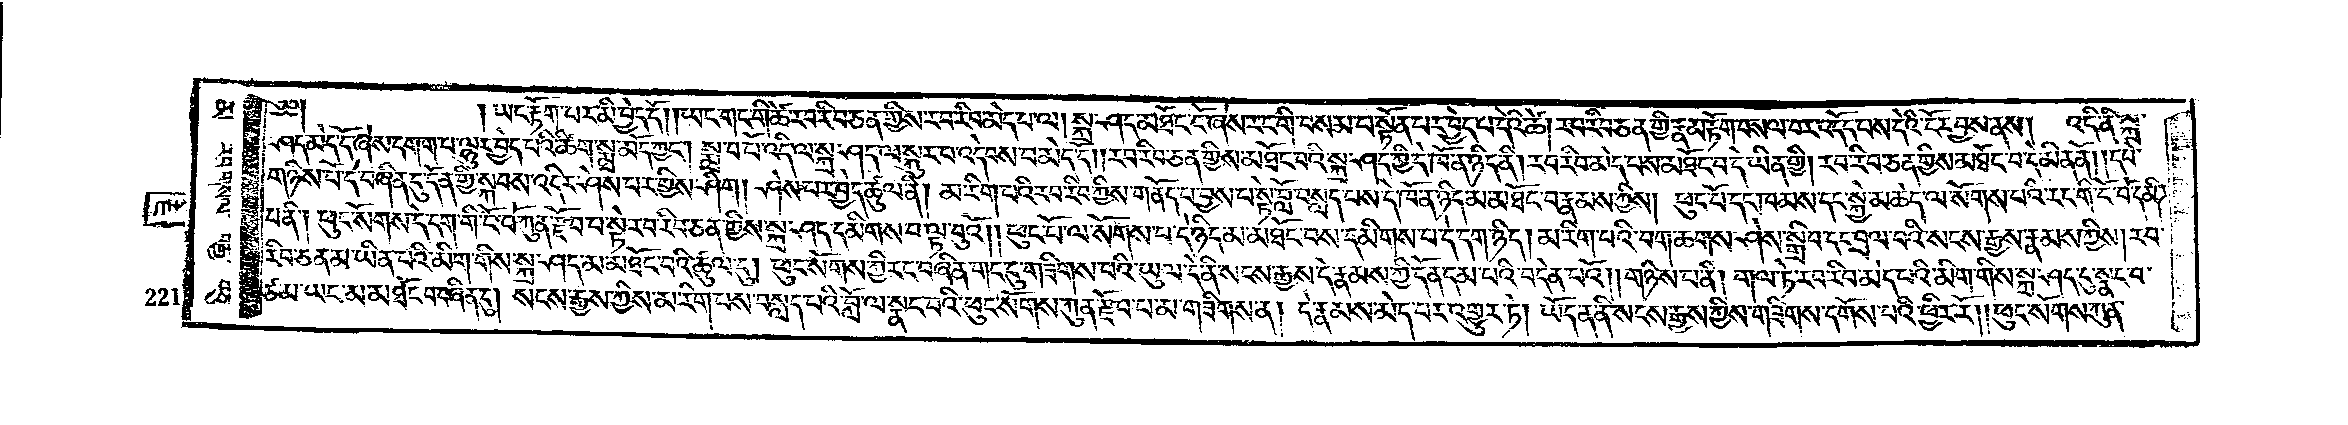༄༅། །ཡང་རྟོག་པར་མི་བྱེད་དོ། །ཡང་གང་གི་ཚེ་རབ་རིབ་ཅན་གྱིས་རབ་རིབ་མེད་པ་ལ། སྐྲ་ཤད་མཐོང་ངོ་ཞེས་རང་གི་བསམ་པ་སྟོན་པར་བྱེད་པ་དེའི་ཚེ། རབ་རིབ་ཅན་གྱི་རྣམ་རྟོག་བསལ་བར་འདོད་པས་དེའི་ངོར་བྱས་ནས། འདི་ནི་སྐྲ་
ཤད་མེད་དོ་ཞེས་དགག་པ་ལྷུར་བྱེད་པའི་ཚིག་སྨྲ་མོད་ཀྱང་། སྨྲ་བ་པོ་འདི་ལ་སྐྲ་ཤད་ལ་སྐུར་པ་འདེབས་པ་མེད་དོ། །རབ་རིབ་ཅན་གྱིས་མཐོང་བའི་སྐྲ་ཤད་ཀྱི་དེ་ཁོ་ན་ཉིད་ནི། རབ་རིབ་མེད་པས་མཐོང་བ་དེ་ཡིན་གྱི། རབ་རིབ་ཅན་གྱིས་མཐོང་བ་དེ་མིན་ནོ། །དཔེ་
གཉིས་པོ་དེ་བཞིན་དུ་དོན་གྱི་སྐབས་འདིར་ཤེས་པར་གྱིས་ཤིག །ཤེས་པར་བྱེད་ཚུལ་ནི། མ་རིག་པའི་རབ་རིབ་ཀྱིས་གནོད་པ་བྱས་པ་སྟེ་བློ་བསླད་པས་དེ་ཁོ་ན་ཉིད་མ་མཐོང་བ་རྣམས་ཀྱིས། ཕུང་པོ་དང་ཁམས་དང་སྐྱེ་མཆེད་ལ་སོགས་པའི་རང་གི་ངོ་བོ་དམིགས་
པ་ནི། ཕུང་སོགས་དེ་དག་གི་ངོ་བོ་ཀུན་རྫོབ་པ་སྟེ་རབ་རིབ་ཅན་གྱིས་སྐྲ་ཤད་དམིགས་པ་ལྟ་བུའོ། །ཕུང་པོ་ལ་སོགས་པ་དེ་ཉིད་མ་མཐོང་བས་དམིགས་པ་དེ་དག་ཉིད། མ་རིག་པའི་བག་ཆགས་ཤེས་སྒྲིབ་དང་བྲལ་བའི་སངས་རྒྱས་རྣམས་ཀྱིས། རབ་
རིབ་ཅན་མ་ཡིན་པའི་མིག་གིས་སྐྲ་ཤད་མ་མཐོང་བའི་ཚུལ་དུ། ཕུང་སོགས་ཀྱི་རང་བཞིན་གང་དུ་གཟིགས་པའི་ཡུལ་དེ་ནི་སངས་རྒྱས་དེ་རྣམས་ཀྱི་དོན་དམ་པའི་བདེན་པའོ། །གཉིས་པ་ནི། གལ་ཏེ་རབ་རིབ་མེད་པའི་མིག་གིས་སྐྲ་ཤད་དུ་སྣང་བ་
ཙམ་ཡང་མ་མཐོང་བ་བཞིན་དུ། སངས་རྒྱས་ཀྱིས་མ་རིག་པས་བསླད་པའི་བློ་ལ་སྣང་བའི་ཕུང་སོགས་ཀུན་རྫོབ་པ་མ་གཟིགས་ན། དེ་རྣམས་མེད་པར་འགྱུར་ཏེ། ཡོད་ན་ནི་སངས་རྒྱས་ཀྱིས་གཟིགས་དགོས་པའི་ཕྱིར་རོ། །ཕུང་སོགས་ཀུན་